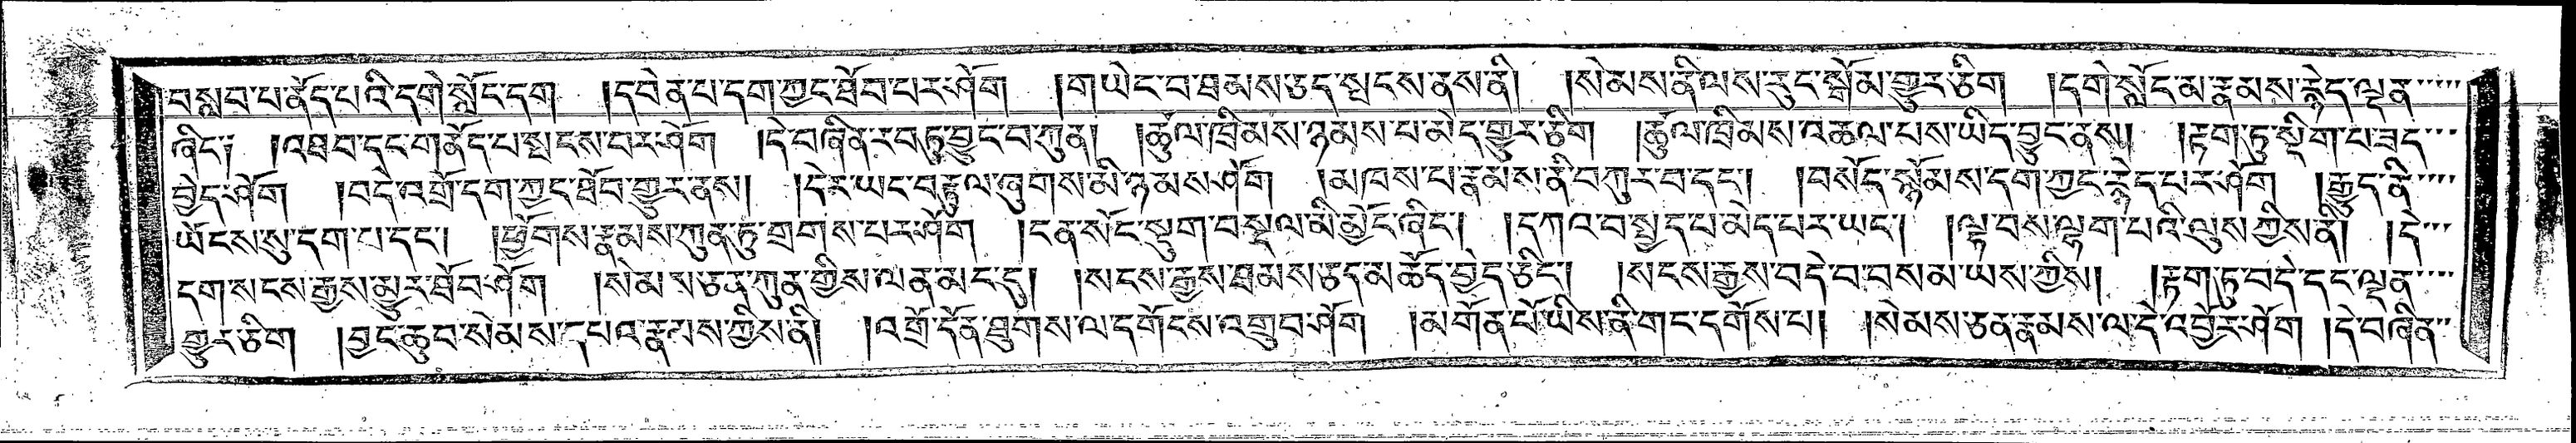བསླབ་པ་ནོད་པའི་དགེ་སློང་དག །དབེན་པ་དག་ཀྱང་ཐོབ་པར་ཤོག །གཡེང་བ་ཐམས་ཅད་སྤངས་ནས་ནི། །སེམས་ནི་ལས་རུང་སྒོམ་གྱུར་ཅིག །དགེ་སློང་མ་རྣམས་རྙེད་ལྡན་
ཞིང༑ །འཐབ་དང་གནོད་པ་སྤངས་བར་ཤོག །དེ་བཞིན་རབ་ཏུ་བྱུང་བ་ཀུན། །ཚུལ་ཁྲིམས་ཉམས་པ་མེད་གྱུར་ཅིག །ཚུལ་ཁྲིམས་འཆལ་བས་ཡིད་བྱུང་ནས། །རྟག་ཏུ་སྡིག་པ་ཟད་
བྱེད་ཤོག །བདེ་འགྲོ་དག་ཀྱང་ཐོབ་གྱུར་ནས། །དེར་ཡང་བརྟུལ་ཞུགས་མི་ཉམས་ཤོག །མཁས་པ་རྣམས་ནི་བཀུར་བ་དང་། །བསོད་སྙོམས་དག་ཀྱང་རྙེད་པར་ཤོག །རྒྱུད་ནི་
ཡོངས་སུ་དག་པ་དང་། །ཕྱོགས་རྣམས་ཀུན་ཏུ་གྲགས་པར་ཤོག །ངན་སོང་སྡུག་བསྔལ་མི་མྱོང་ཞིང་། །དཀའ་བ་སྤྱད་པ་མེད་པར་ཡང་། །ལྷ་བས་ལྷག་པའི་ལུས་ཀྱིས་ནི། །དེ་
དག་སངས་རྒྱས་མྱུར་ཐོབ་ཤོག །སེམས་ཅན་ཀུན་གྱིས་ལན་མང་དུ། །སངས་རྒྱས་ཐམས་ཅད་མཆོད་བྱེད་ཅིང་། །སངས་རྒྱས་བདེ་བ་བསམ་ཡས་ཀྱིས། །རྟག་ཏུ་བདེ་དང་ལྡན་
གྱུར་ཅིག །བྱང་ཆུབ་སེམས་དཔའ་རྣམས་ཀྱིས་ནི། །འགྲོ་དོན་ཐུགས་ལ་དགོངས་འགྲུབ་ཤོག །མགོན་པོ་ཡིས་ནི་གང་དགོས་པ། །སེམས་ཅན་རྣམས་ལ་དེ་འབྱོར་ཤོག །དེ་བཞིན་